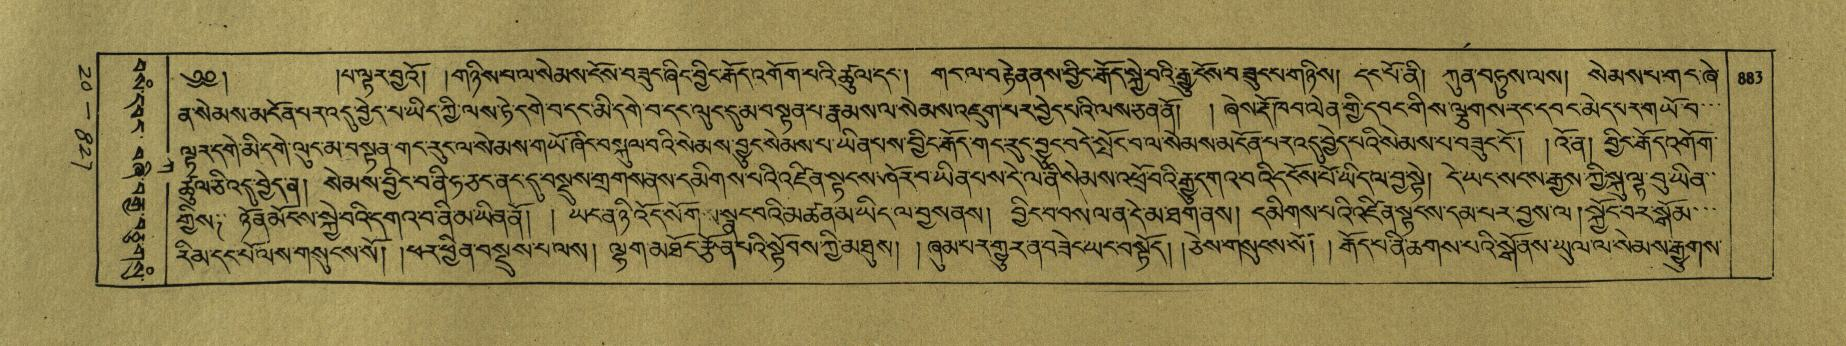༄༅། །པ་ལྟར་བྱའོ། །གཉིས་པ་ལ་སེམས་ངོས་བཟུང་ཞིང་བྱིང་རྒོད་འགོག་པའི་ཚུལ་དང་། གང་ལ་བརྟེན་ནས་བྱིང་རྒོད་སྐྱེ་བའི་རྒྱུ་ངོས་བཟུང་བ་གཉིས། དང་པོ་ནི། ཀུན་བཏུས་ལས། སེམས་པ་གང་ཞེ་
ན་སེམས་མངོན་པར་འདུ་བྱེད་པ་ཡིད་ཀྱི་ལས་ཏེ་དགེ་བ་དང་མི་དགེ་བ་དང་ལུང་དུ་མ་བསྟན་པ་རྣམས་ལ་སེམས་འཇུག་པར་བྱེད་པའི་ལས་ཅན་ནོ། །ཞེས་རྡོ་ཁབ་ལེན་གྱི་དབང་གིས་ལྕགས་རང་དབང་མེད་པར་གཡོ་བ་
ལྟར་དགེ་མི་དགེ་ལུང་མ་བསྟན་གང་རུང་ལ་སེམས་གཡོ་ཞིང་བསྐུལ་བའི་སེམས་བྱུང་སེམས་པ་ཡིན་པས་བྱིང་རྒོད་གང་རུང་བྱུང་བདེ་སྤོང་བ་ལ་སེམས་མངོན་པར་འདུ་བྱེད་པའི་སེམས་པ་བཟུང་ངོ། །འོ་ན། བྱིང་རྒོད་འགོག་
ཚུལ་ཅི་འདུ་བྱེད་ན། སེམས་བྱིང་བ་ནི་ཧ་ཅང་ནང་དུ་བསྡུས་གྲགས་ནས་དམིགས་པའི་འཛིན་སྟངས་ཤོར་བ་ཡིན་པས་དེ་ལ་ནི་སེམས་འཕྲོ་བའི་རྒྱུ་དགའ་བའི་དངོས་པོ་ཡིད་ལ་བྱ་སྟེ། དེ་ཡང་སངས་རྒྱས་ཀྱི་སྐུ་ལྟ་བུ་ཡིན་
གྱིས༑ ཉོན་མོངས་སྐྱེ་བའི་དགའ་བ་ནི་མ་ཡིན་ནོ། །ཡང་ན་ཉི་འོད་སོགས་སྣང་བའི་མཚན་མ་ཡིད་ལ་བྱས་ནས། བྱིང་བ་བསལ་ན་དེ་མ་ཐག་ནས། དམིགས་པའི་འཛིན་སྟངས་དམ་པར་བྱས་ལ། སྐྱོང་བར་སྒོམ་
རིམ་དང་པོ་ལས་གསུངས་སོ། །ཕར་ཕྱིན་བསྡུས་པ་ལས། ལྷག་མཐོང་རྩོན་པའི་སྟོབས་ཀྱི་མཐུས། །ཞུམ་པར་གྱུར་ན་བཟེང་ཡང་བསྟོད། །ཅེས་གསུངས་སོ། །རྒོད་པ་ནི་ཆགས་པའི་སྒོ་ནས་ཡུལ་ལ་སེམས་རྒྱུགས་